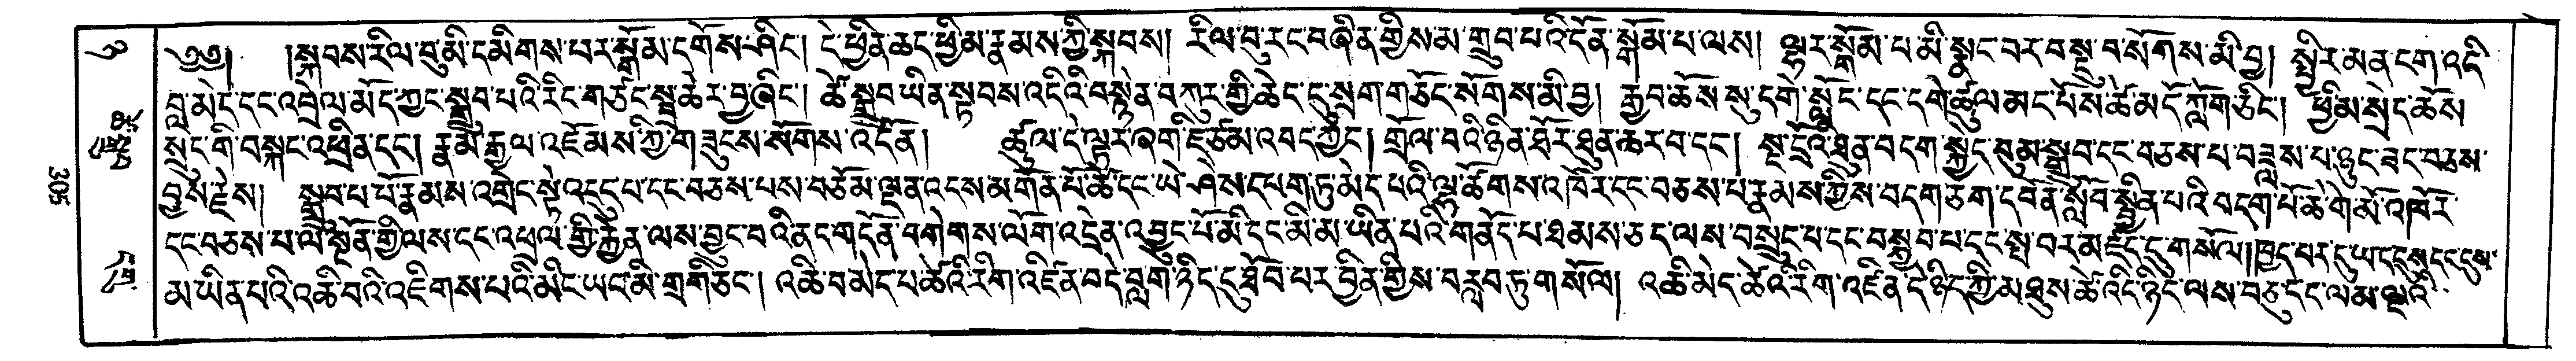༄༅། །སྐབས་རིལ་བུ་མི་དམིགས་པར་སྒོམ་དགོས་ཤིང་། དེ་ཕྱིན་ཆད་ཕྱི་མ་རྣམས་ཀྱི་སྐབས། རིལ་བུ་རང་བཞིན་གྱིས་མ་གྲུབ་པའི་དོན་སྒོམ་པ་ལས། ལྷར་སྒོམ་པ་མི་སྣང་བར་བསྡུ་བ་སོགས་མི་བྱ། སྤྱིར་མན་ངག་འདི་
བླ་མེད་དང་འབྲེལ་མོད་ཀྱང་སྒྲུབ་པའི་རིང་གཙང་སྤྲ་ཆེར་བྱ་ཞིང་། ཚེ་སྒྲུབ་ཡིན་སྟབས་འདིའི་བསྙེན་བཀུར་གྱི་ཆེད་དུ་སྲོག་གཅོད་སོགས་མི་བྱ། རྒྱབ་ཆོས་སུ་དགེ་སློང་དང་དགེ་ཚུལ་མང་པོས་ཚེ་མདོ་ཀློག་ཅིང་། ཕྱིམ་སྲེད་ཆོས་
སྲུང་གི་བསྐང་འཕྲིན་དང་། རྣམ་རྒྱལ་འཇོམས་ཀྱི་གཟུངས་སོགས་འདོན། ཚུལ་དེ་ལྟར་ཞིག་ཇི་ཙམ་འབད་ཀྱང་། གྲོལ་བའི་ཉིན་ཐོར་ཐུན་ཚར་བ་དང་། སྔ་དྲོའི་ཐུན་བདག་སྐྱེད་བུམ་སྒྲུབ་དང་བཅས་བ་བཟླས་པ་ཉུང་ཟད་བཅས་
བྱས་རྗེས། སྒྲུབ་པ་པོ་རྣམས་འགྲེང་སྟེ་འདུད་པ་དང་བཅས་པས་བཅོམ་ལྡན་འདས་མགོན་པོ་ཚེ་དང་ཡེ་ཤེས་དཔག་ཏུ་མེད་པའི་ལྷ་ཚོགས་འཁོར་དང་བཅས་པ་རྣམས་ཀྱིས་བདག་ཅག་དཔོན་སློབ་སྦྱིན་པའི་བདག་པོ་ཆེ་གེ་མོ་འཁོར་
དང་བཅས་པ་ལ་སྔོན་གྱི་ལས་དང་འཕྲལ་གྱི་རྐྱེན་ལས་བྱུང་བའི་ནད་གདོན་བགེགས་ལོག་འདྲེན་འབྱུང་པོ་མི་དང་མི་མ་ཡིན་པའི་གནོད་པ་ཐམས་ཅད་ལས་བསྲུང་བ་དང་བསྐྱབ་པ་དང་སྦ་བར་མཛད་དུ་གསོལ། ཁྱད་པར་དུ་ཡང་དུས་དང་དུས་
མ་ཡིན་པའི་འཆི་བའི་འཇིགས་པའི་མིང་ཡང་མི་གྲ་གི་ཅང་། འཆི་བ་མེད་པ་ཚེའི་རིག་འཛིན་བདེ་བླག་ཉིད་དུ་ཐོབ་པར་བྱིན་གྱིས་བརླབ་ཏུ་གསོལ། འཆི་མེད་ཚེའི་རིག་འཛིན་དེ་ཉིད་ཀྱི་མཐུས་ཚེ་འདི་ཉིད་ལ་ས་བཅུ་དང་ལམ་ལྔའི་